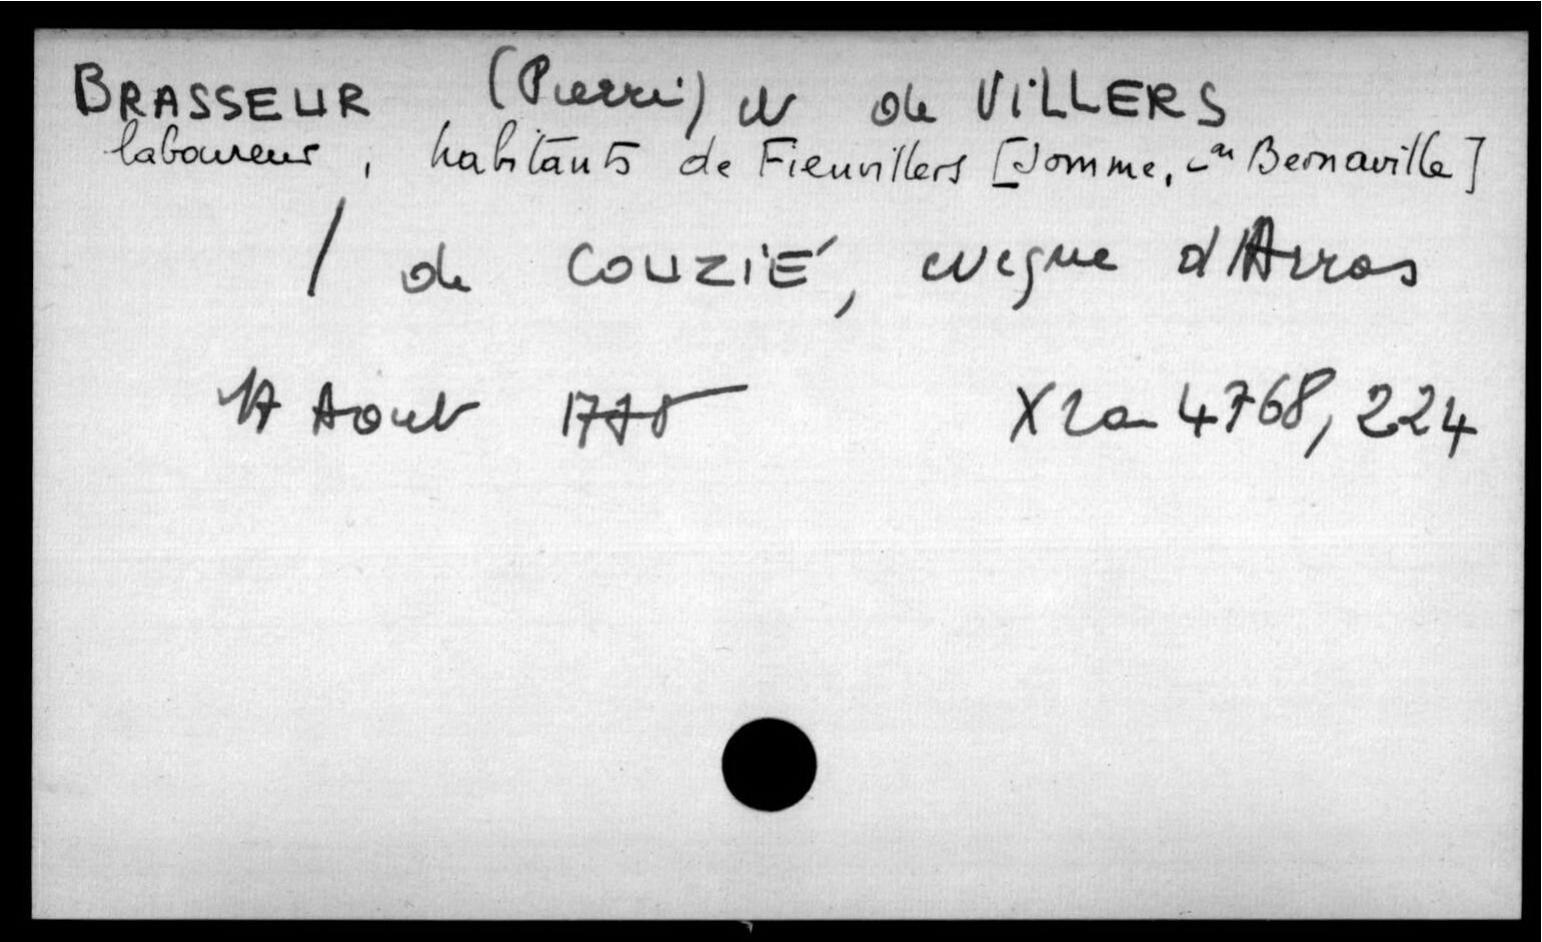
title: BRASSEUR (Pierre) de VILLERS laboureur, habitant de Fieuvillers [Somme, canton Bernaville]
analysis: Contre de COUZIÉ, évêque d'Arras
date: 14 août 1775
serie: X1a
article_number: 4768
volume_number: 224
